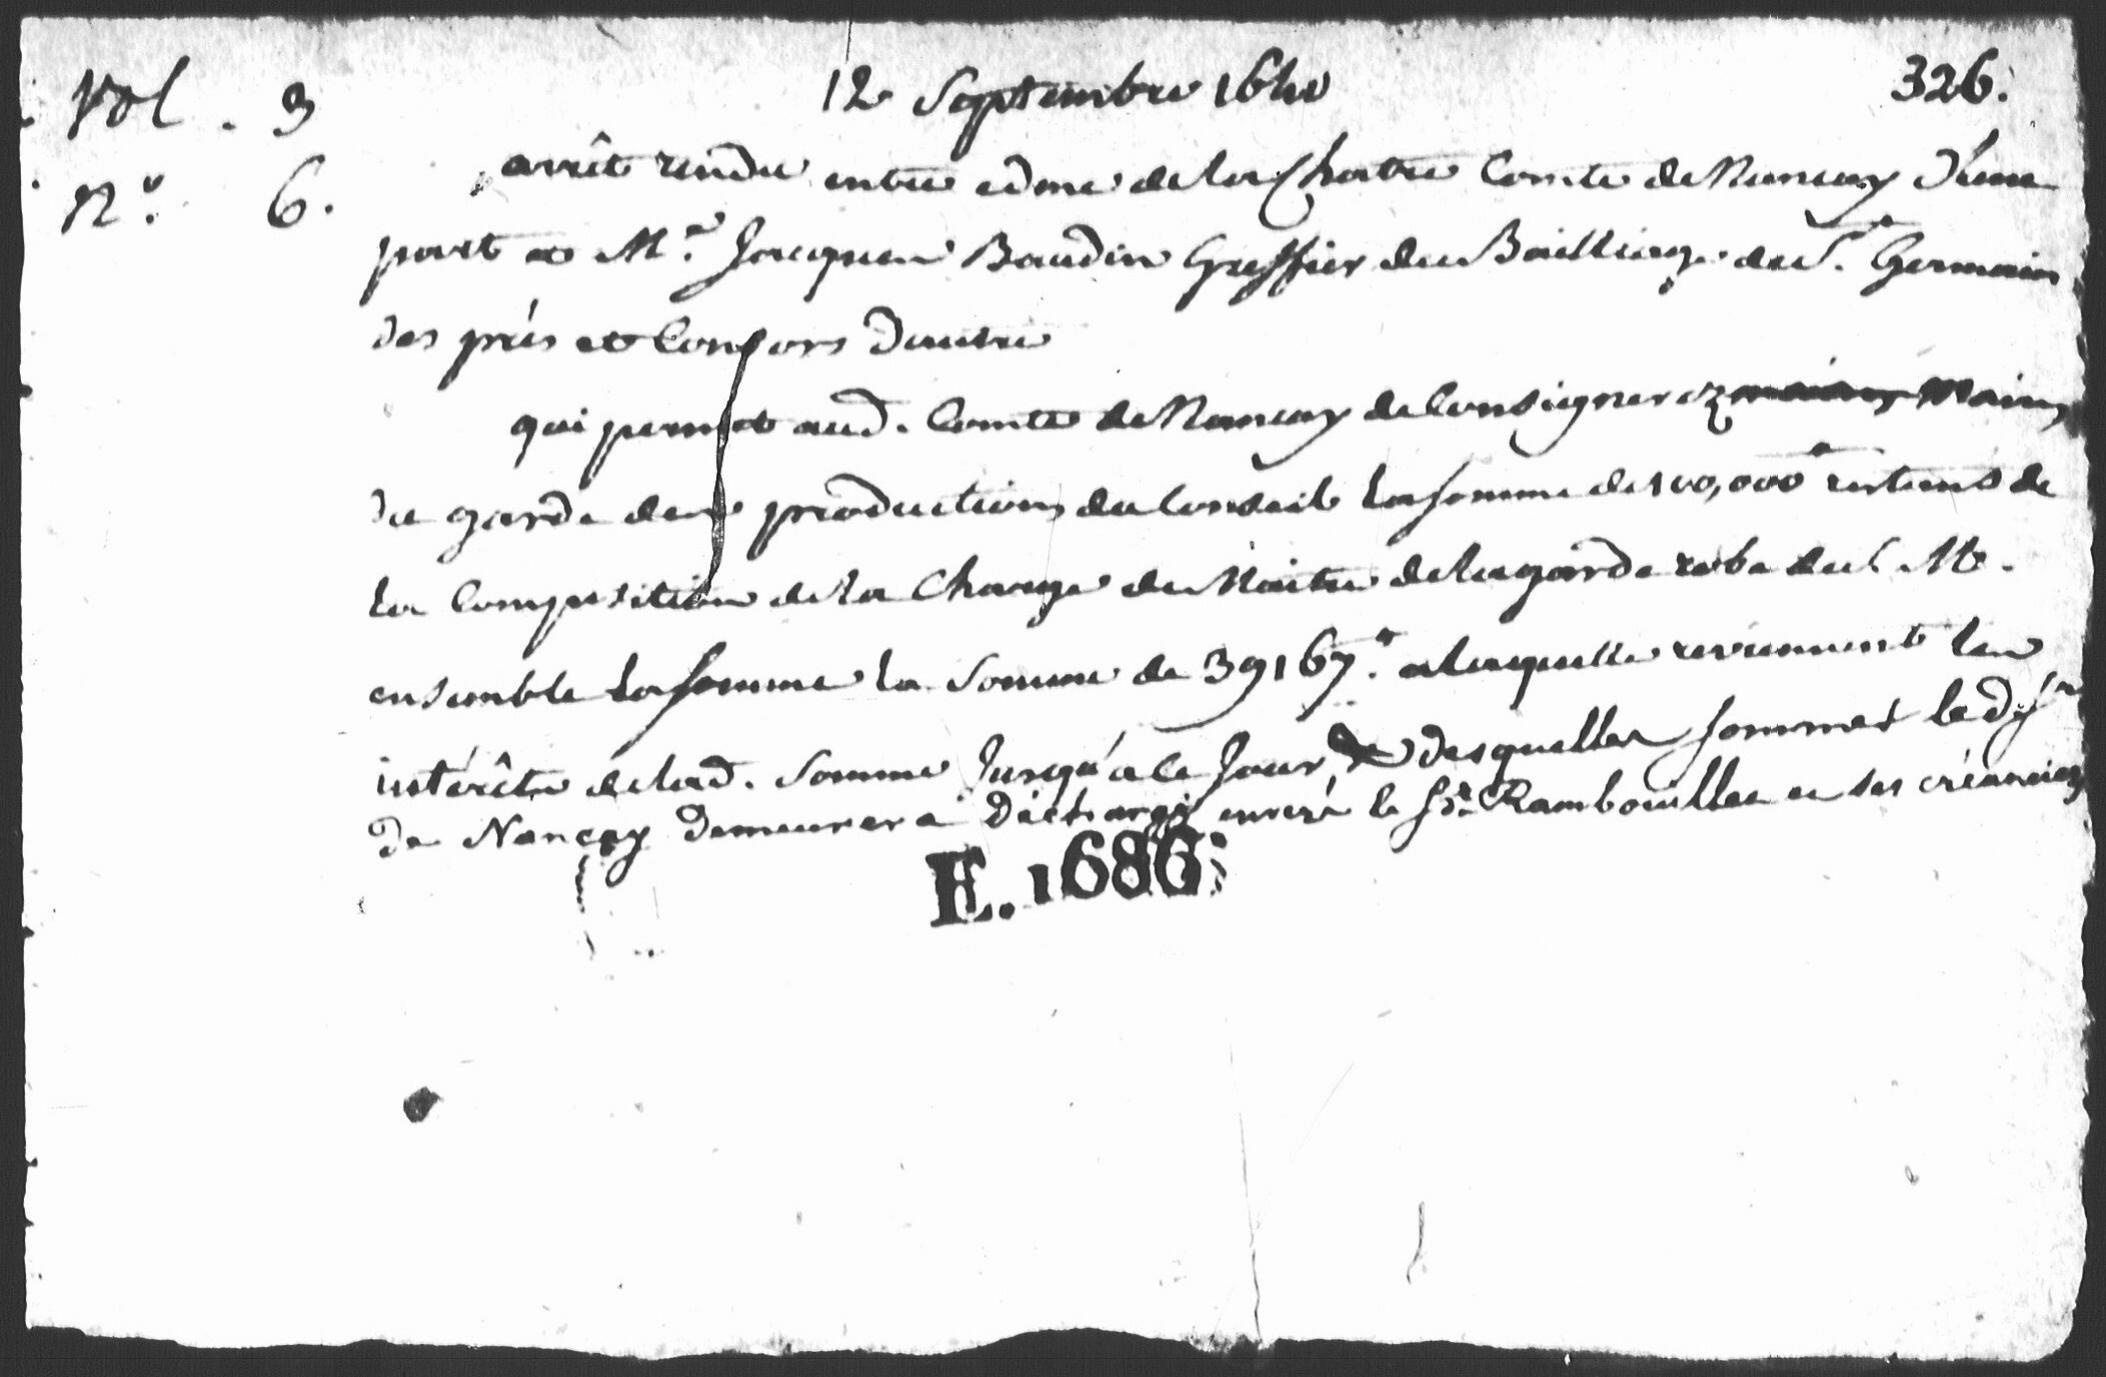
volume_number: n°6
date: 12 septembre 1640
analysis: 326.
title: arrêt rendu entre edme de la Chatre comte de Nancay d'une part et M.e Jacques Baudin greffier du bailliage de S.t Germain des prés et consors d'autre qui permet aud. comte de Nancay de consigner ez [mot barré] main du garde des productions du Conseil la somme de 100000#restans de la composition de la charge de Maitre de la garde robe de S. M. ensemble la somme [la somme : doublon] de 39167 # a laquelle reviennent les intérêts delad. somme jusqu'a ce jour, [mot barré] desquelles sommes led. Sr de Nancay demeurera décharge envers le Sr Rambouillet et ses créanciers
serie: E
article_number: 1686
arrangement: vol. 3
